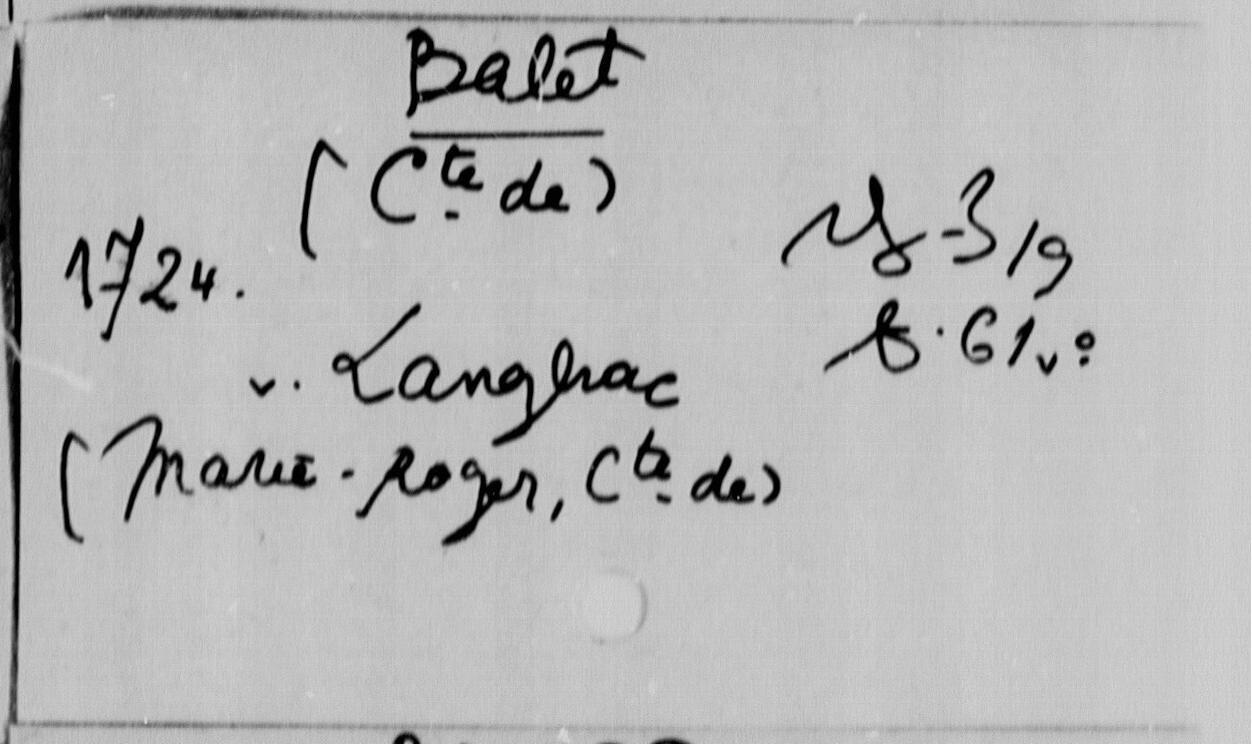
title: BALET (comte de)
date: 1724
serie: Y
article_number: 319
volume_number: folio 61v
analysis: Voir Langhac (Marie-Roger, comte de)
